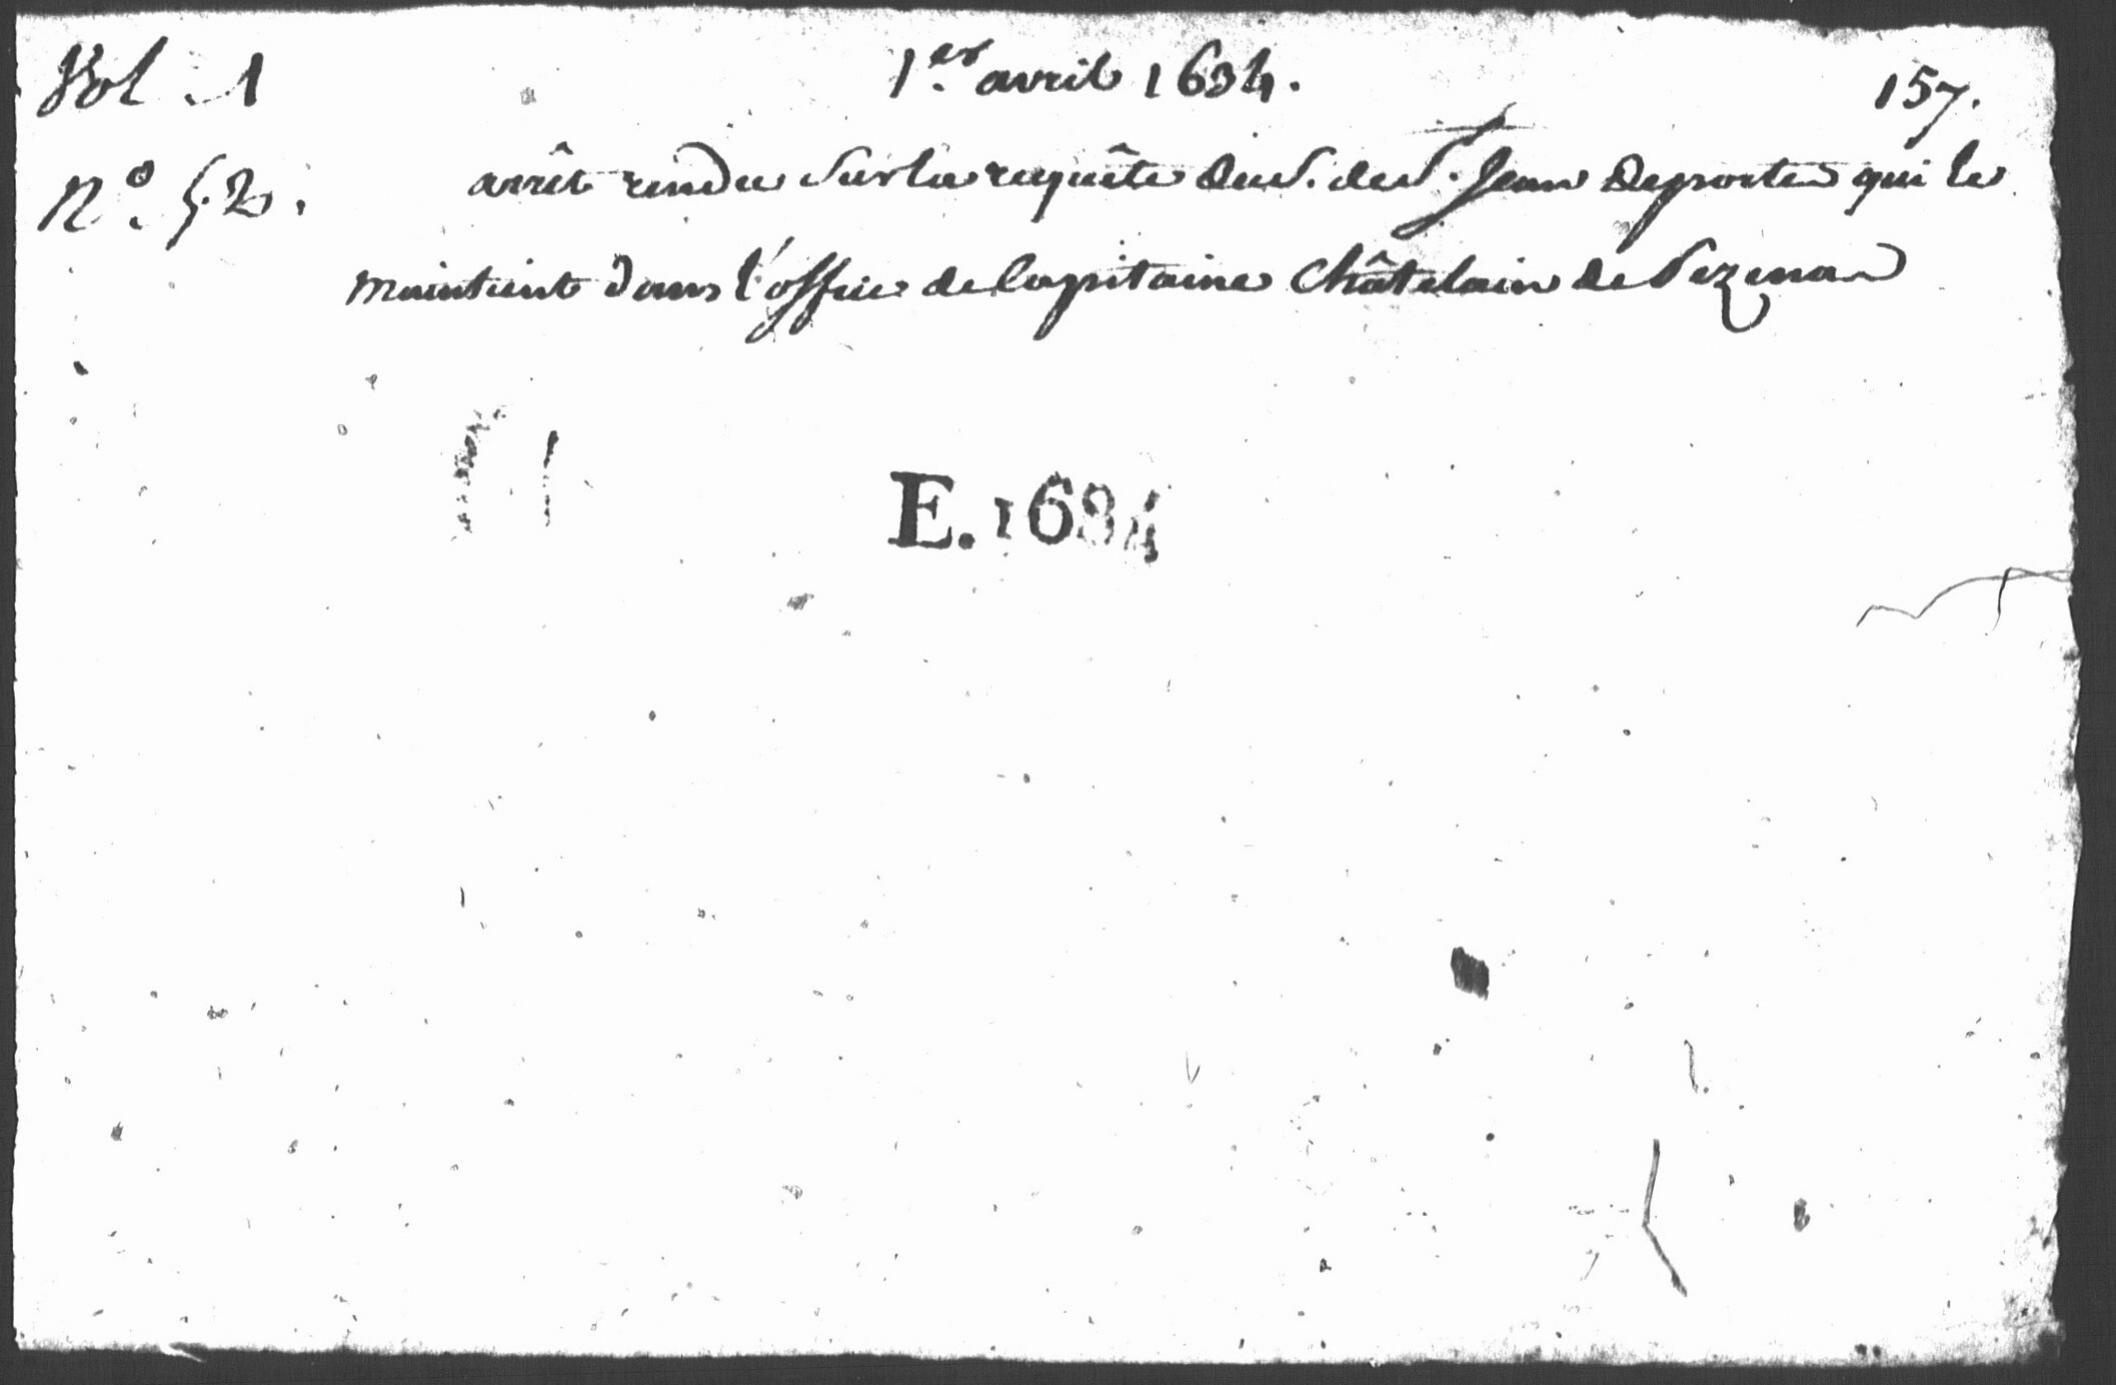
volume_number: n°52
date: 1 avril 1634
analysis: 157
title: arrêt rendu sur la requête du S. de S.t Jean Deporte qui le maintient dans l'office de capitaine châtelain de Pezenas
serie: E
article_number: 1684
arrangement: vol. 1
